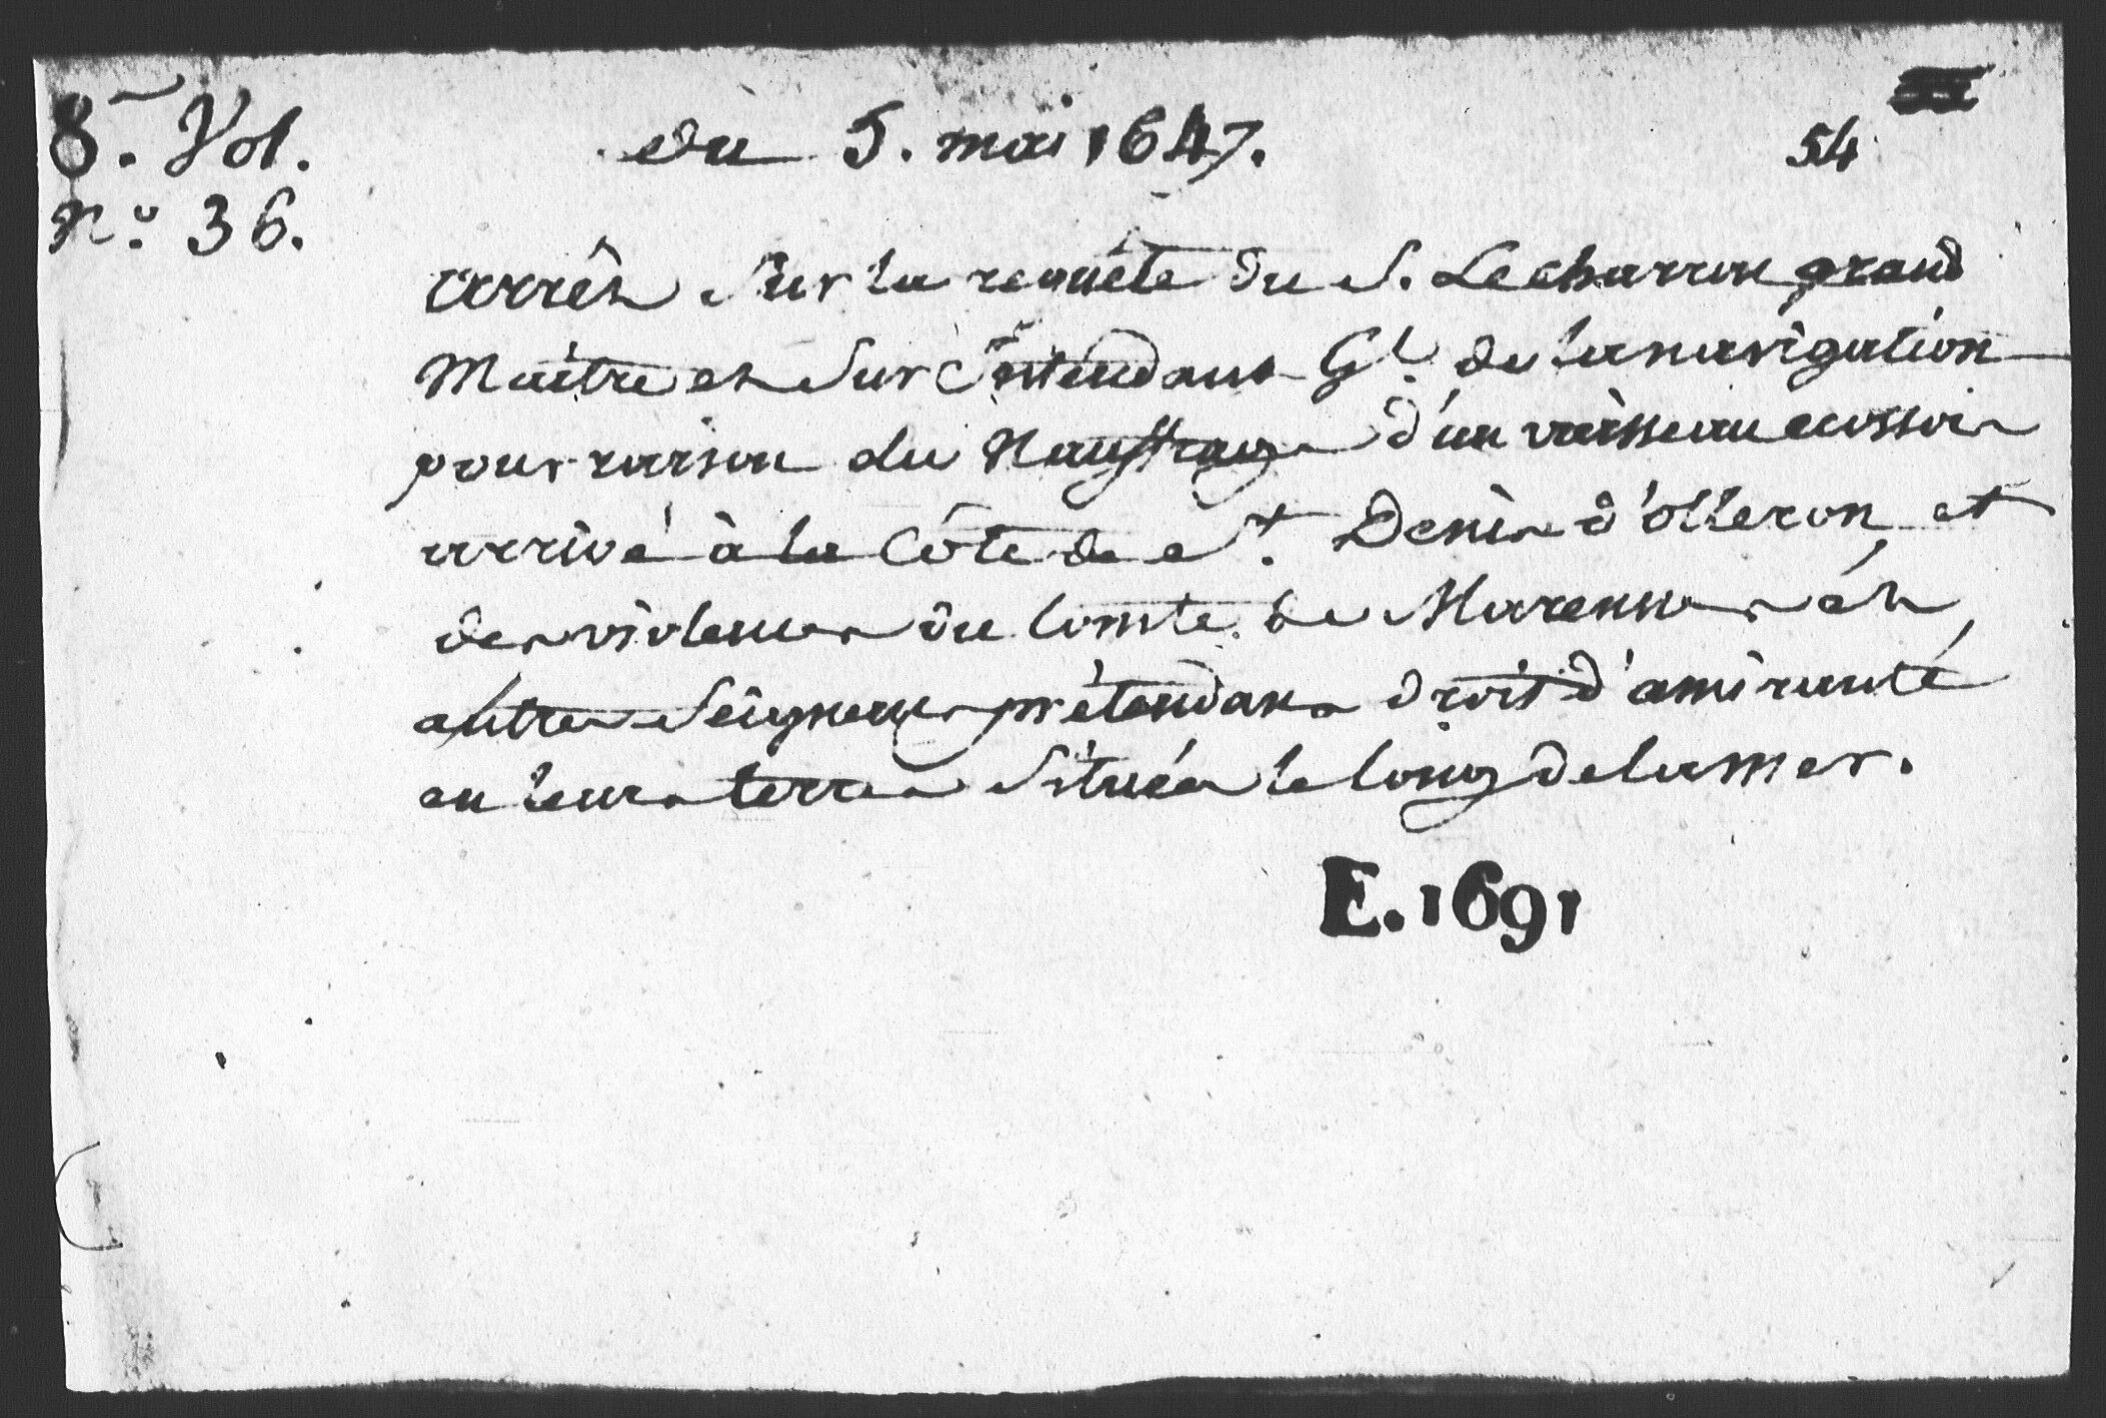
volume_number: n° 36
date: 5 mai 1647
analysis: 54
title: Arrêt sur la requête du S. Le charron grand maître et surintendant général de la navigation pour raison du Nauffrage d'un vaisseau ecossois arrivé à la côte de Saint-Denis d'Olleron, et des violences du Comte de Marennes et autres seigneurs prétendans droit d'amirauté en leurs terres situées le long de la mer.
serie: E
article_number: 1691
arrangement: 8e volume
